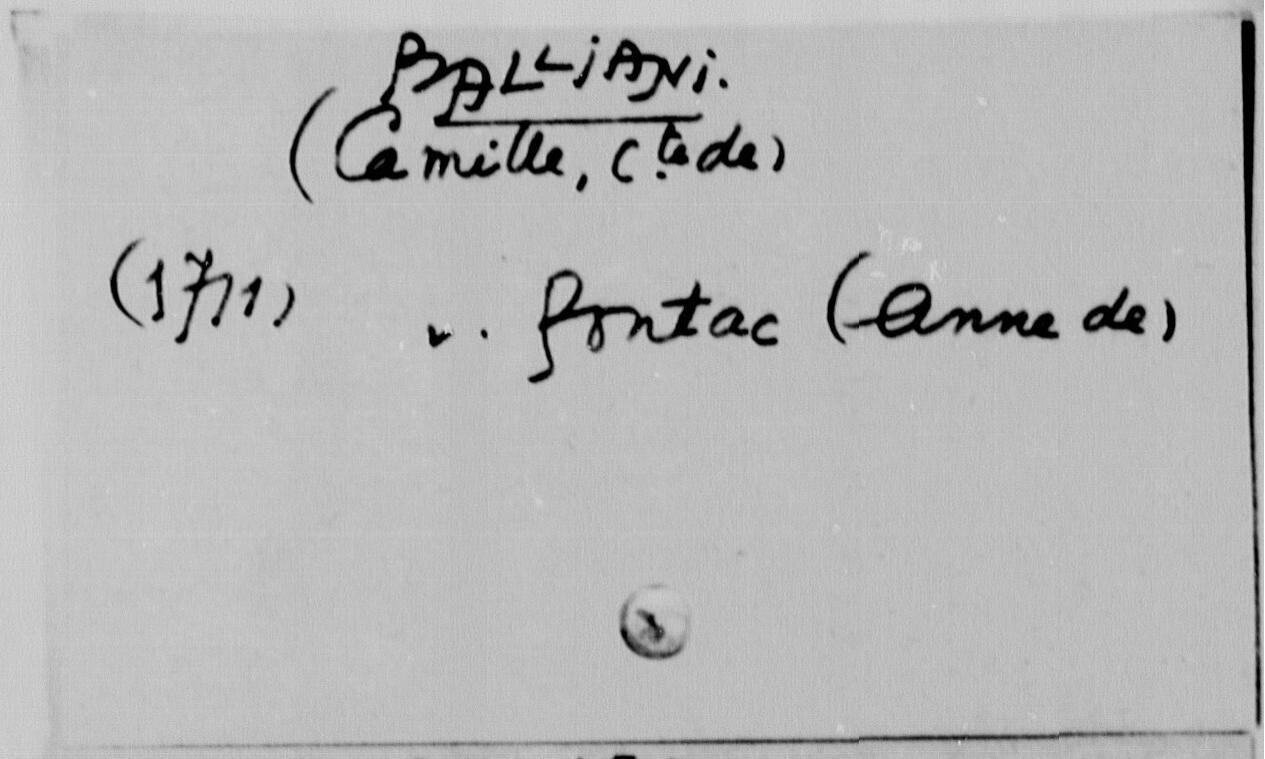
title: BALLIANI (Camille, comte de)
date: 1711
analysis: Voir PONTAC (Anne de)
